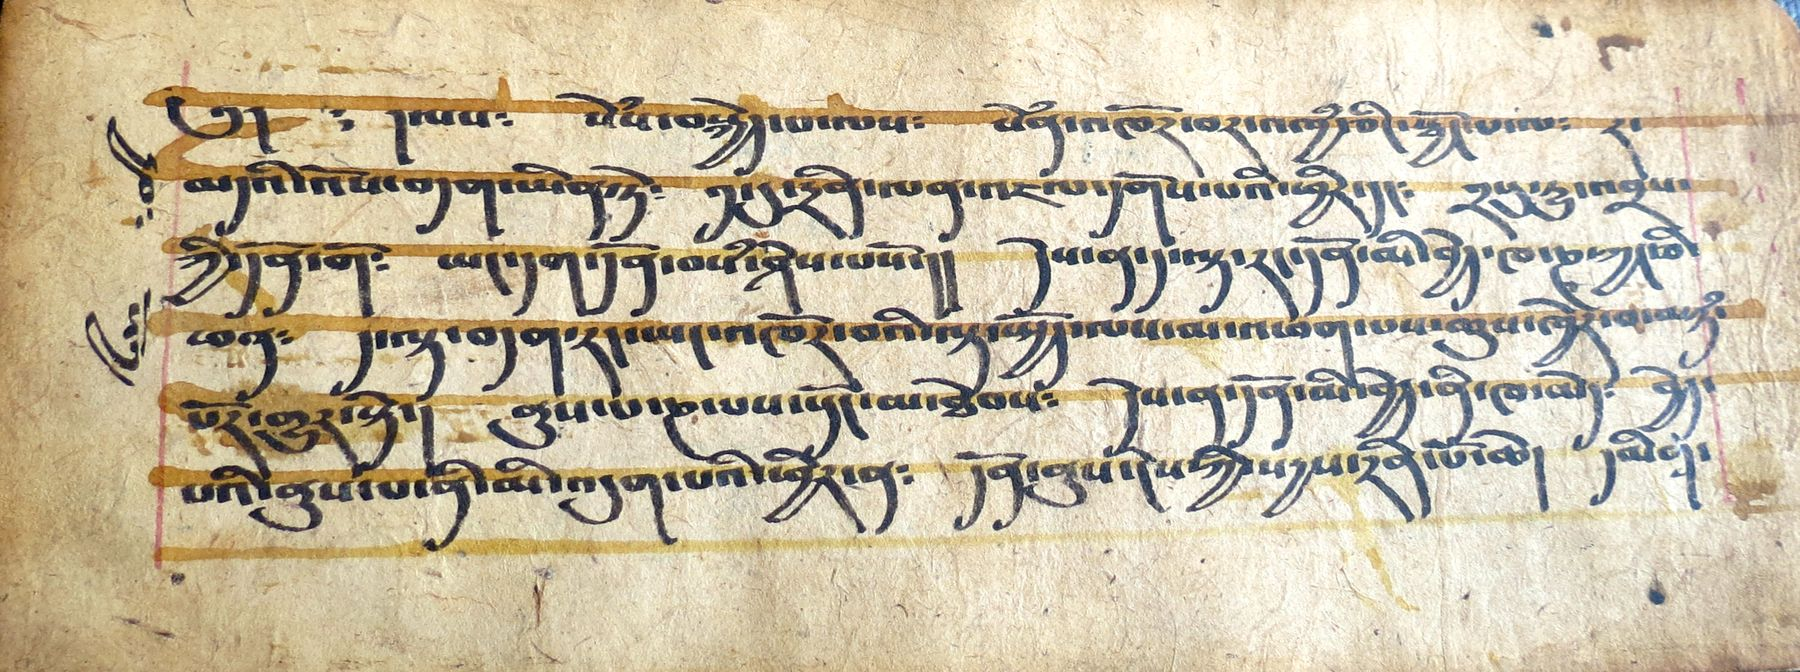ལ་སེམས་བསྐྱེད་པ་ལ། སེམས་ཅན་འཁོར་བར་འཁྱམས་ཤིང་སྦྱོང་པ་ལ། ར་
མདའི་འོས་བདག་ཡིན་ཏེ། གཅིག་ཏུ་དྲིན་ལན་འཇལ་དགོས་པའི་ཕྱིར་དང་། གཉིས་སུ་རྒྱུ་འབྲས་
ཀྱི་དོན་གོ ཡང་དག་པའི་དོན་བསམ་ཤེས་པས་སྟེ། དེས་ན་ད་ལྟའང་དོན་མི་བྱེད་ཁ་མེད་ཀྱང་མི་
ཕན། ད་ལྟ་བདག་རང་ཡང་འཁོར་བའི་ལྟ་སྤྱོད་ལས་མ་འཕགས་པས། ཆུས་ཁྱེར་བ་མཉམ་
པོ་ལྟར་གྱུར་ཏེ་ནུས་པ་མེད་པས་སྡོངས་མ་ཐེབས། དེས་ན་དོན་མི་བྱེད་ནི་ཁ་མེད། བྱེད་
པའི་ནུས་པ་ནི་མི་འདུག་པའི་ཕྱིར་ན། དོན་ནུས་ངེས་ཀྱི་སངས་རྒྱས་རིན་པོ་ཆེ། དམིགས་